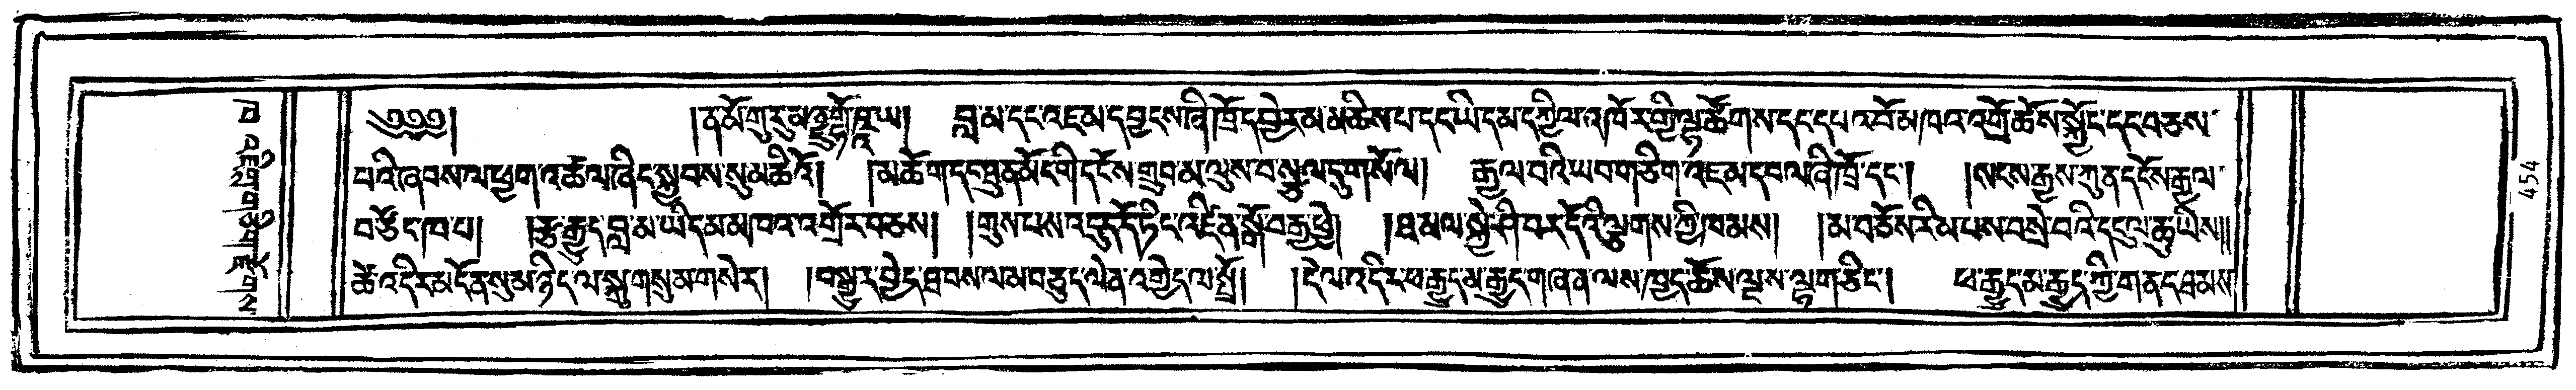༄༅༅། །ན་མོ་གུ་རུ་མཉྫུ་གྷོ་ཥཱ་ཡ། བླ་མ་དང་འཇམ་དབྱངས་ཞི་ཁྲོ་དབྱེར་མ་མཆིས་པ་དང་ཡི་དམ་དཀྱིལ་འཁོར་གྱི་ལྷ་ཚོགས་དང་དཔའ་བོ་མཁའ་འགྲོ་ཆོས་སྐྱོང་དང་བཅས་
བའི་ཞབས་ལ་ཕྱག་འཚལ་ཞིང་སྐྱབས་སུ་མཆིའོ། །མཆོག་དང་ཐུན་མོང་གི་དངོས་གྲུབ་མ་ལུས་བ་སྩལ་དུ་གསོལ། རྒྱལ་བའི་ཡབ་གཅིག་འཇམ་དཔལ་ཞི་ཁྲོ་དང་། །སངས་རྒྱས་ཀུན་དངོས་རྒྱལ་
བཙོང་ཁ་པ། །རྩ་རྒྱུད་བླ་མ་ཡི་དམ་མཁའ་འགྲོར་བཅས། །གུས་པས་འདུད་དོ་ཏིང་འཛིན་སྒོ་བརྒྱ་ཕྱེ། །ཐ་མལ་སྐྱེ་ཤི་བར་དོའི་ལྕགས་ཀྱི་ཁམས། །མ་བཅོས་རིམ་པས་བསྲེ་བའི་དངུལ་ཆུ་ཡིས།།
ཚེ་འདིར་མངོན་སུམ་ཉིད་ལ་སྐུ་གསུམ་གསེར། །བསྒྱུར་བྱེད་ཐབས་ལམ་བཅུད་ལེན་འགྱེད་ལ་སྤྲོ། །དེ་ལ་འདིར་ཕ་རྒྱུད་མ་རྒྱུད་གཞན་ལས་ཁྱད་ཆོས་ལྔས་ལྷག་ཅིང་། ཕ་རྒྱུད་མ་རྒྱུད་ཀྱི་གནད་ཐམས་